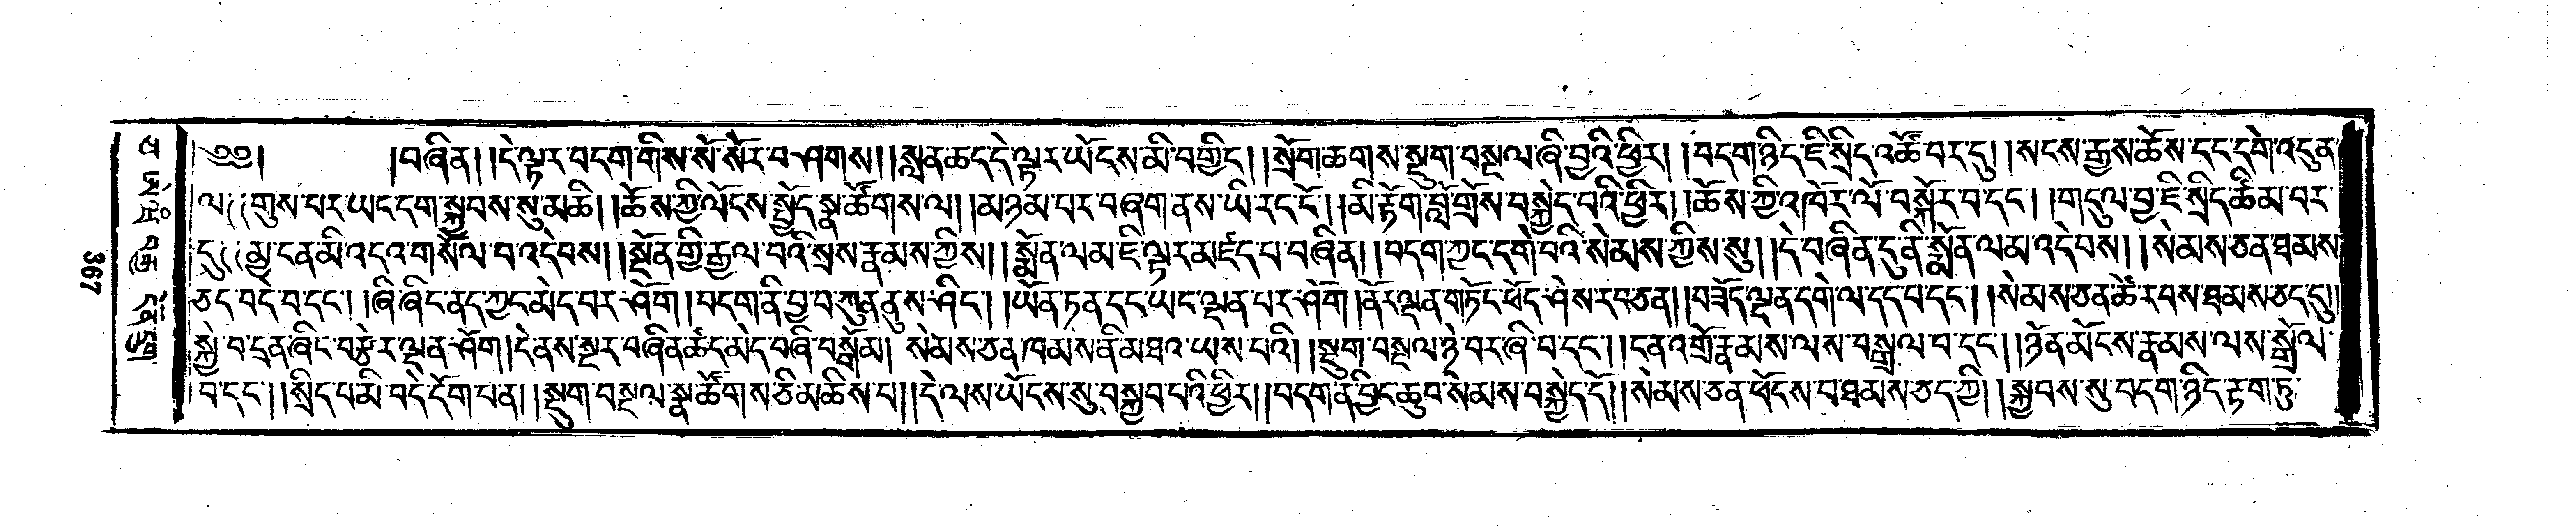༄༅། །བཞིན། །དེ་ལྟར་བདག་གིས་སོ་སོར་བཤགས། །སླན་ཆད་དེ་ལྟར་ཡོངས་མི་བགྱིད། །སྲོག་ཆགས་སྡུག་བསྔལ་ཞི་བྱའི་ཕྱིར། །བདག་ཉིད་ཇི་སྲིད་འཚོ་བར་དུ། །སངས་རྒྱས་ཆོས་དང་དགེ་འདུན་
ལ༑ ༑གུས་པར་ཡང་དག་སྐྱབས་སུ་མཆི། །ཆོས་ཀྱི་ལོངས་སྤྱོད་སྣ་ཚོགས་ལ། །མཉམ་པར་བཞག་ནས་ཡི་རང་ངོ། །མི་རྟོག་བློ་གྲོས་བསྐྱེད་པའི་ཕྱིར། །ཆོས་ཀྱི་འཁོར་ལོ་བསྐོར་བ་དང་། །གདུལ་བྱ་ཇི་སྲིད་ཚིམ་བར་
དུ༑ ༑མྱ་ངན་མི་འདའ་གསོལ་བ་འདེབས། །སྔོན་གྱི་རྒྱལ་བའི་སྲས་རྣམས་ཀྱིས། །སྨོན་ལམ་ཇི་ལྟར་མཛད་པ་བཞིན། །བདག་ཀྱང་དགེ་བའི་སེམས་ཀྱིས་སུ། །དེ་བཞིན་དུ་ནི་སྨོན་ལམ་འདེབས། །སེམས་ཅན་ཐམས་
ཅད་བདེ་བ་དང་། །ཞི་ཞིང་ནད་ཀྱང་མེད་པར་ཤོག །བདག་ནི་བྱ་བ་ཀུན་ནུས་ཤིང་། །ཡོན་ཏན་དང་ཡང་ལྡན་པར་ཤོག །ནོར་ལྡན་གཏོང་ཕོད་ཤེས་རབ་ཅན། །བཟོད་ལྡན་དགེ་ལ་དད་པ་དང་། །སེམས་ཅན་ཚེ་རབས་ཐམས་ཅད་དུ། །
སྐྱེ་བ་དྲན་ཞིང་བརྩེར་ལྡན་ཤོག །དེ་ནས་སྔར་བཞིན་ཚད་མེད་བཞི་བསྒོམ། སེམས་ཅན་ཁམས་ནི་མཐའ་ཡས་པའི། །སྡུག་བསྔལ་ཉེ་བར་ཞི་བ་དང་། །ངན་འགྲོ་རྣམས་ལས་བསྒྲལ་བ་དང་། །ཉོན་མོངས་རྣམས་ལས་སྒྲོལ་
བ་དང་། །སྲིད་པ་མི་བདེ་དོག་པ་ན། །སྡུག་བསྔལ་སྣ་ཚོགས་ཅི་མཆིས་པ། །དེ་ལས་ཡོངས་སུ་བསྐྱབ་པའི་ཕྱིར། །བདག་ནི་བྱང་ཆུབ་སེམས་བསྐྱེད་དོ། །སེམས་ཅན་ཕོངས་པ་ཐམས་ཅད་ཀྱི། །སྐྱབས་སུ་བདག་ཉིད་རྟག་ཏུ་